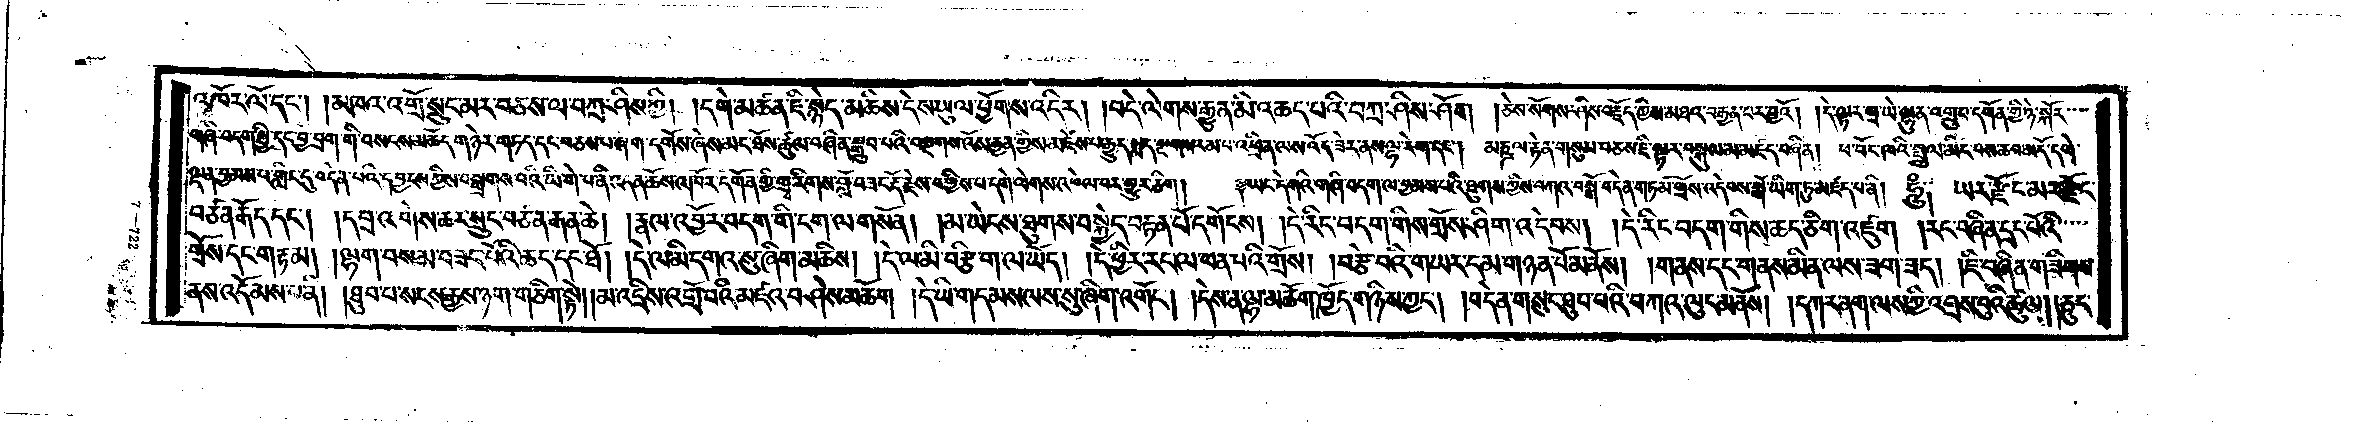འཁོར་ལོ་དང་། །མཁའ་འགྲོ་སྲུང་མར་བཅས་ལ་བཀྲ་ཤིས་ཀྱི། །དགེ་མཚན་ཇི་སྙེད་མཆིས་དེས་ཡུལ་ཕྱོགས་འདིར། །བདེ་ལེགས་རྒྱུན་མི་འཆད་པའི་བཀྲ་ཤིས་ཤོག །ཅེས་སོགས་ཤིས་བརྗོད་ཀྱིས་མཐའ་བརྒྱན་པར་བྱའོ། །དེ་ལྟར་གྲ་ཡེ་ལྷུན་འགྲུབ་དགོན་གྱི་ཉེ་སྐོར་
གཞི་བདག་སྤྱི་དང་བྱེ་བྲག་གི་བསངས་མཆོད་གཉེར་གཏད་དང་བཅས་པ་ཞིག་དགོས་ཞེས་མང་ཐོས་ཚུལ་བཞིན་སྒྲུབ་པའི་བསྔགས་འོས་རྒྱན་གྱིས་མཛེས་པ་རྒྱུད་སྨད་སྔགས་རམ་པ་འཕྲིན་ལས་འོད་ཟེར་ནས་ལྷ་རེག་དང་། མཎྜལ་རྟེན་གསུམ་བཅས་ཇི་ལྟར་བསྐུལ་མ་མཛད་བཞིན། ཕ་བོང་ཁའི་སྤྲུལ་མིང་བས་ཆབ་མདོ་དགེ་
ལྡན་བྱམས་པ་གླིང་དུ་བདེན་པའི་དབྱངས་ཀྱིས་བསྒྲགས་པའི་ཡི་གེ་པ་ནི་འདན་ཆོས་འཁོར་དགོན་གྱི་གྲྭ་རིགས་བློ་བཟང་རྡོ་རྗེས་བགྱིས་པ་དགེ་ལེགས་འཕེལ་བར་གྱུར་ཅིག །༈ ཡང་དེ་གའི་གཞི་བདག་ལ་བྱམས་པའི་ཐུགས་ཀྱིས་བཀའ་བསྒོ་བདེན་གཏམ་གྲོས་འདེབས་སྒོ་ཡིག་ཏུ་མཛད་པ་ནི། ཧཱུཾ༑ ཡར་རྫོང་མར་རྫོང་
བཙན་རྒོད་དང་། །དབྲ་འགེས་ཆར་སྲུང་བཙན་རྒན་ཆེ། །རྣལ་འབྱོར་བདག་གི་ངག་ལ་གསོན། །མ་ཡེངས་ཐུགས་བསྐྱེད་བརྟན་པོ་དགོངས། །དེ་རིང་བདག་གིས་གྲོས་ཤིག་འདེབས། །དེ་རིང་བདག་གིས་ཆད་ཅིག་འཛུག །རང་བཞིན་དྲང་པོའི་
གྲོས་དང་གཏམ། །ལྷག་བསམ་བཟང་པོའི་ཆད་དང་ཐོ། །དེ་ལ་མི་དགའ་སུ་ཞིག་མཆིས། །དེ་ལ་མི་བརྩི་ག་ལ་ཡོད། །དེ་ཕྱིར་རང་ལ་ཕན་པའི་གྲོས། །བརྩེ་བའི་གཡར་དམ་གཉན་པོ་མནོས། །གནས་དང་གནས་མིན་ལས་ཟག་ཟད། །ཇི་བཞིན་གཟིགས་
ནས་འདོམས་པ་ནི། །ཐུབ་བ་སངས་རྒྱས་ཉག་གཅིག་སྟེ། །མ་འདྲིས་འགྲོ་བའི་མཛའ་བཤེས་མཆོག །དེ་ཡི་གདམས་ལས་སུ་ཞིག་འགོང་། །དེས་ན་ལྷ་མཆོག་ཁྱོད་གཉིས་ཀྱང་། །བདེན་གསུང་ཐུབ་པའི་བཀའ་ལུང་མནོས། །དཀར་ནག་ལས་ཀྱི་འབྲས་བུའི་ཚུལ། །ཅུང་